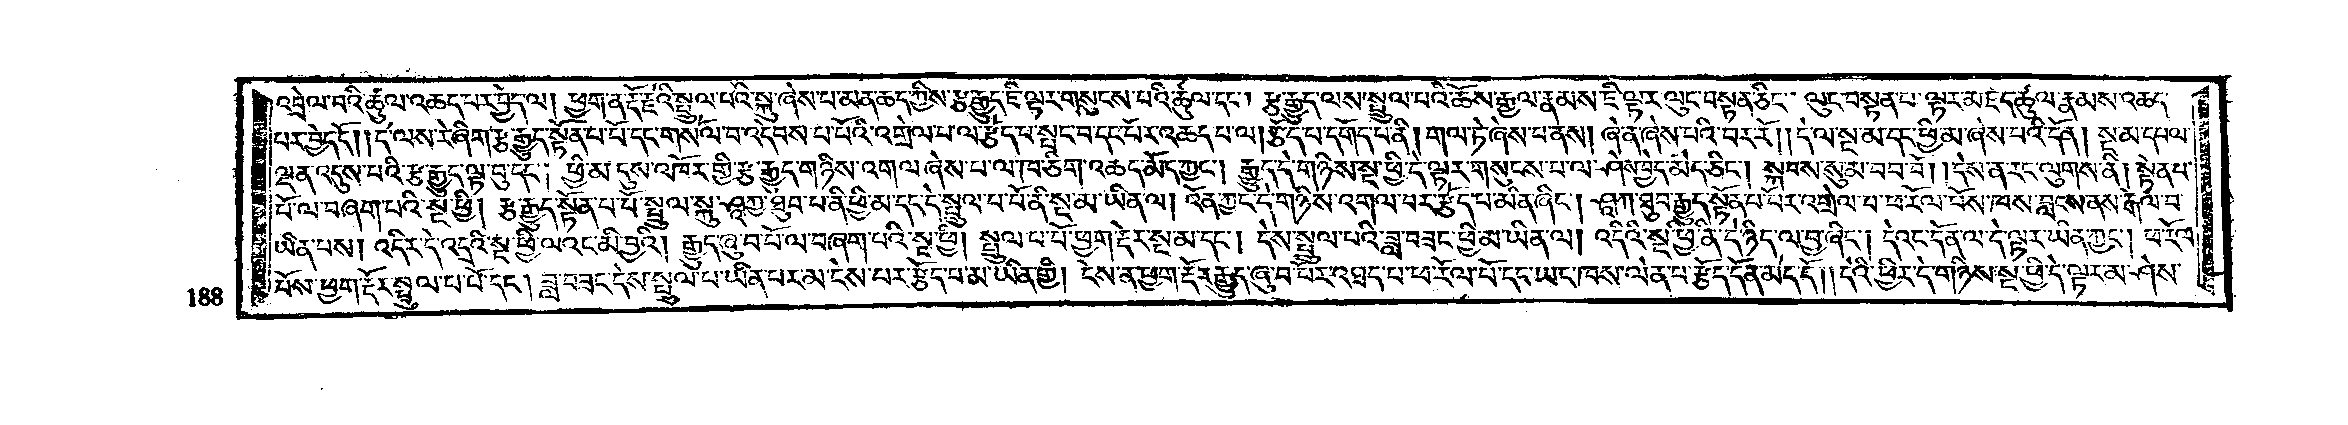འབྲེལ་བའི་ཚུལ་འཆད་པར་བྱེད་ལ། ཕྱག་ན་རྡོ་རྗེའི་སྤྲུལ་པའི་སྐུ་ཞེས་པ་མན་ཆད་ཀྱིས་རྩ་རྒྱུད་ཇི་ལྟར་གསུངས་པའི་ཚུལ་དང་། རྩ་རྒྱུད་ལས་སྤྲུལ་པའི་ཆོས་རྒྱལ་རྣམས་ཇི་ལྟར་ལུང་བསྟན་ཅིང་ལུང་བསྟན་པ་ལྟར་མཛད་ཚུལ་རྣམས་འཆད་
པར་བྱེད་དོ། །དེ་ལས་རེ་ཞིག་རྩ་རྒྱུད་སྟོན་པ་པོ་དང་གསོལ་བ་འདེབས་པ་པོའི་འགྲེལ་པ་ལ་རྩོད་པ་སྤང་བ་དང་པོར་འཆད་པ་ལ། རྩོད་པ་དགོད་པ་ནི། གལ་ཏེ་ཞེས་པ་ནས། ཞེ་ན་ཞེས་པའི་བར་རོ། །དེ་ལ་སྔ་མ་དང་ཕྱི་མ་ཞེས་པའི་དོན། སྔ་མ་དཔལ་
ལྡན་འདུས་པའི་རྩ་རྒྱུད་ལྟ་བུ་དང་། ཕྱི་མ་དུས་འཁོར་གྱི་རྩ་རྒྱུད་གཉིས་འགལ་ཞེས་པ་ལ་ཁ་ཅིག་འཆད་མོད་ཀྱང་། རྒྱུད་དེ་གཉིས་སྔ་ཕྱི་དེ་ལྟར་གསུངས་པ་ལ་ཤེས་བྱེད་མེད་ཅིང་། སྐབས་སུམ་བབ་བོ། །དེས་ན་རང་ལུགས་ནི། སྟོན་པ་
པོ་ལ་བཞག་པའི་སྔ་ཕྱི། རྩ་རྒྱུད་སྟོན་པ་པོ་སྤྲུལ་སྐུ་ཤཱཀྱ་ཐུབ་པ་ནི་ཕྱི་མ་དང་དེ་སྤྲུལ་པ་པོ་ནི་སྔ་མ་ཡིན་ལ། འོན་ཀྱང་དེ་གཉིས་འགལ་བར་རྩོད་པ་མིན་ཞིང་། ཤཱཀྱ་ཐུབ་རྒྱུད་སྟོན་པ་པོར་འགྲེལ་པ་ཕ་རོལ་པོས་ཁས་བླངས་ནས་རྒོལ་བ་
ཡིན་པས། འདིར་དེ་འདྲའི་སྔ་ཕྱི་ལའང་མི་བྱའི། རྒྱུད་ཞུ་བ་པོ་ལ་བཞག་པའི་སྔ་ཕྱི། སྤྲུལ་པ་པོ་ཕྱག་རྡོར་སྔ་མ་དང་། དེས་སྤྲུལ་པའི་ཟླ་བཟང་ཕྱི་མ་ཡིན་ལ། འདིའི་སྔ་ཕྱི་ནི་དེ་ཉིད་ལ་བྱ་ཞིང་། དེའང་དོན་ལ་དེ་ལྟར་ཡིན་ཀྱང་། ཕ་རོལ་
པོས་ཕྱག་རྡོར་སྤྲུལ་པ་པོ་དང་། ཟླ་བཟང་དེས་སྤྲུལ་པ་ཡིན་པར་མ་ངེས་པར་རྩོད་པ་མ་ཡིན་གྱི། དེས་ན་ཕྱག་རྡོར་རྒྱུད་ཞུ་བ་པོར་འཐད་པ་ཕ་རོལ་པོ་དང་ཡང་ཁས་ལེན་པ་རྩོད་དོན་མེད་དོ། །དེའི་ཕྱིར་དེ་གཉིས་སྔ་ཕྱི་དེ་ལྟར་མ་ཤེས་